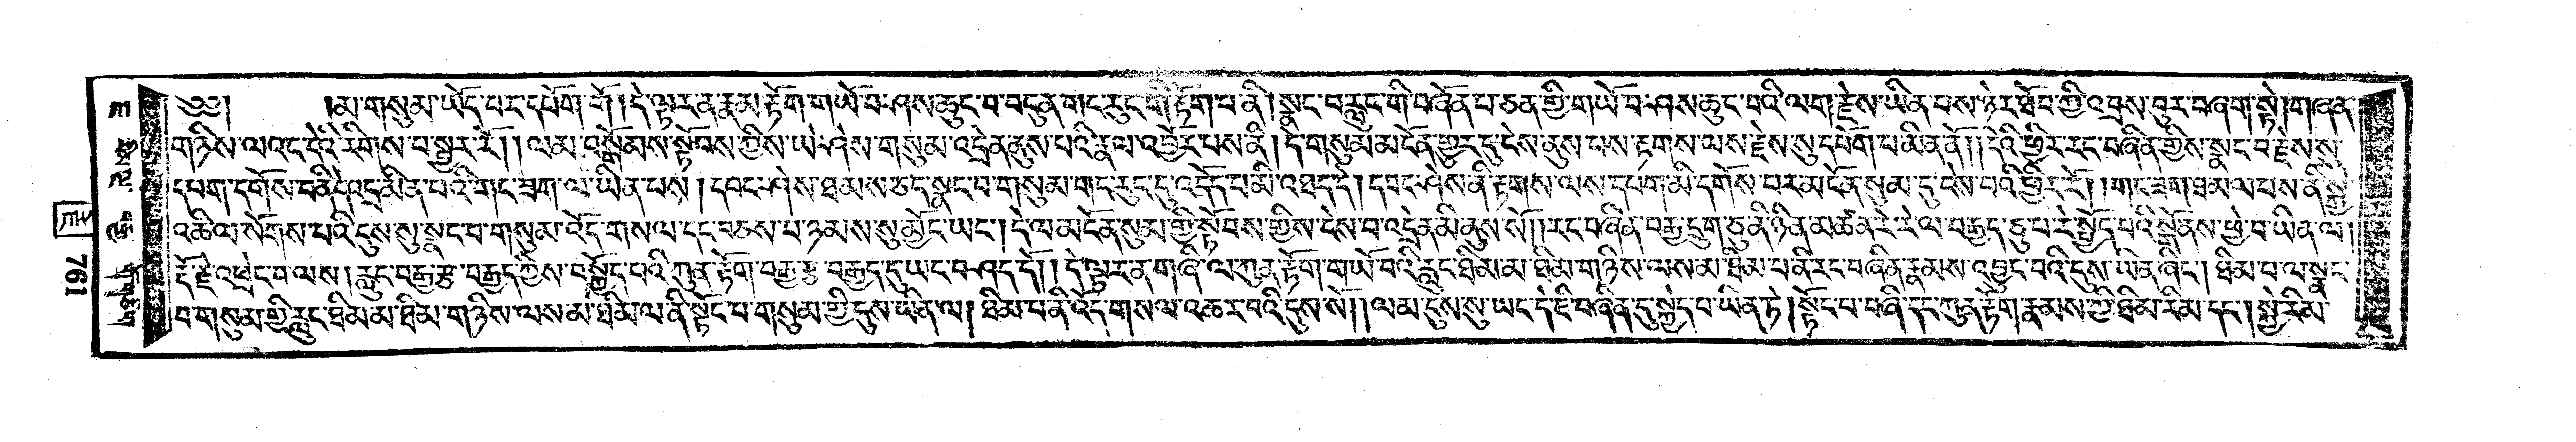༄༅། །མ་གསུམ་ཡོད་པར་དཔོག་གོ །དེ་ལྟར་ན་རྣམ་རྟོག་གཡོ་བ་ཤས་ཆུང་བ་བདུན་གང་རུང་གི་རྟོག་པ་ནི། སྣང་བ་རླུང་གི་བཞོན་པ་ཅན་གྱི་གཡོ་བ་ཤས་ཆུང་བའི་ལག་རྗེས་ཡིན་པས་ཉེར་ཐོབ་ཀྱི་འབྲས་བུར་བཞག་སྟེ། གཞན་
གཉིས་ལའང་དེའི་རིགས་བ་སྦྱར་རོ། །ལམ་བསྒོམས་སྟོབས་ཀྱིས་ཡེ་ཤེས་གསུམ་འདྲེན་ནུས་པའི་རྣལ་འབྱོར་པས་ནི། དེ་གསུམ་མངོན་གྱུར་དུ་ངེས་ནུས་པས་རྟགས་ལས་རྗེས་སུ་དཔོག་པ་མིན་ནོ། །དེའི་ཕྱིར་རང་བཞིན་གྱིས་སྣང་བ་རྗེས་སུ་
དཔག་དགོས་བ་ནི་དེ་འདྲ་མིན་པའི་གང་ཟག་ལ་ཡིན་པས། དབང་ཤེས་ཐམས་ཅད་སྣང་བ་གསུམ་གང་རུང་དུ་འདོད་པ་མི་འཐད་དེ། དབང་ཤེས་ནི་རྟགས་ལས་དཔག་མི་དགོས་པར་མངོན་སུམ་དུ་ངེས་པའི་ཕྱིར་རོ། །གང་ཟག་ཐ་མལ་པས་ནི་སྐྱེ་
འཆི་ལ་སོགས་པའི་དུས་སུ་སྣང་བ་གསུམ་འོད་གསལ་དང་བཅས་པ་ཉམས་སུ་མྱོང་ཡང་། དེ་ལ་མངོན་སུམ་གྱི་སྟོབས་ཀྱིས་ངེས་པ་འདྲེན་མི་ནུས་སོ། །རང་བཞིན་བརྒྱ་དྲུག་ཅུ་ནི་ཉིན་མཚན་རེ་རེ་ལ་བརྒྱད་ཅུ་པ་རེ་སྤྱོད་པའི་སྒོ་ནས་ཕྱེ་བ་ཡིན་ལ།
རྡོ་རྗེ་འཕྲེང་བ་ལས། རླུང་བརྒྱ་རྩ་བརྒྱད་ཀྱིས་བསྐྱོད་པའི་ཀུན་རྟོག་བརྒྱ་རྩ་བརྒྱད་དུ་ཡང་བཤད་དོ། །དེ་ལྟར་ན་གཞི་ལ་ཀུན་རྟོག་གཡོ་བའི་རླུང་ཐིམ་མ་ཐིམ་གཉིས་ལས་མ་ཐིམ་པ་ནི་རང་བཞིན་རྣམས་འབྱུང་བའི་དུས་ཡིན་ཞིང་། ཐིམ་པ་ལ་སྣང་
བ་གསུམ་གྱི་རླུང་ཐིམ་མ་ཐིམ་གཉིས་ལས་མ་ཐིམ་ལ་ནི་སྟོང་པ་གསུམ་གྱི་དུས་ཡིན་ལ། ཐིམ་པ་ནི་འོད་གསལ་འཆར་བའི་དུས་སོ། །ལམ་དུས་སུ་ཡང་དེ་ཇི་བཞིན་དུ་སྐྱེད་པ་ཡིན་ཏེ། སྟོང་པ་བཞི་དང་ཀུན་རྟོག་རྣམས་ཀྱི་ཐིམ་རིམ་དང་། སྐྱེ་རིམ་